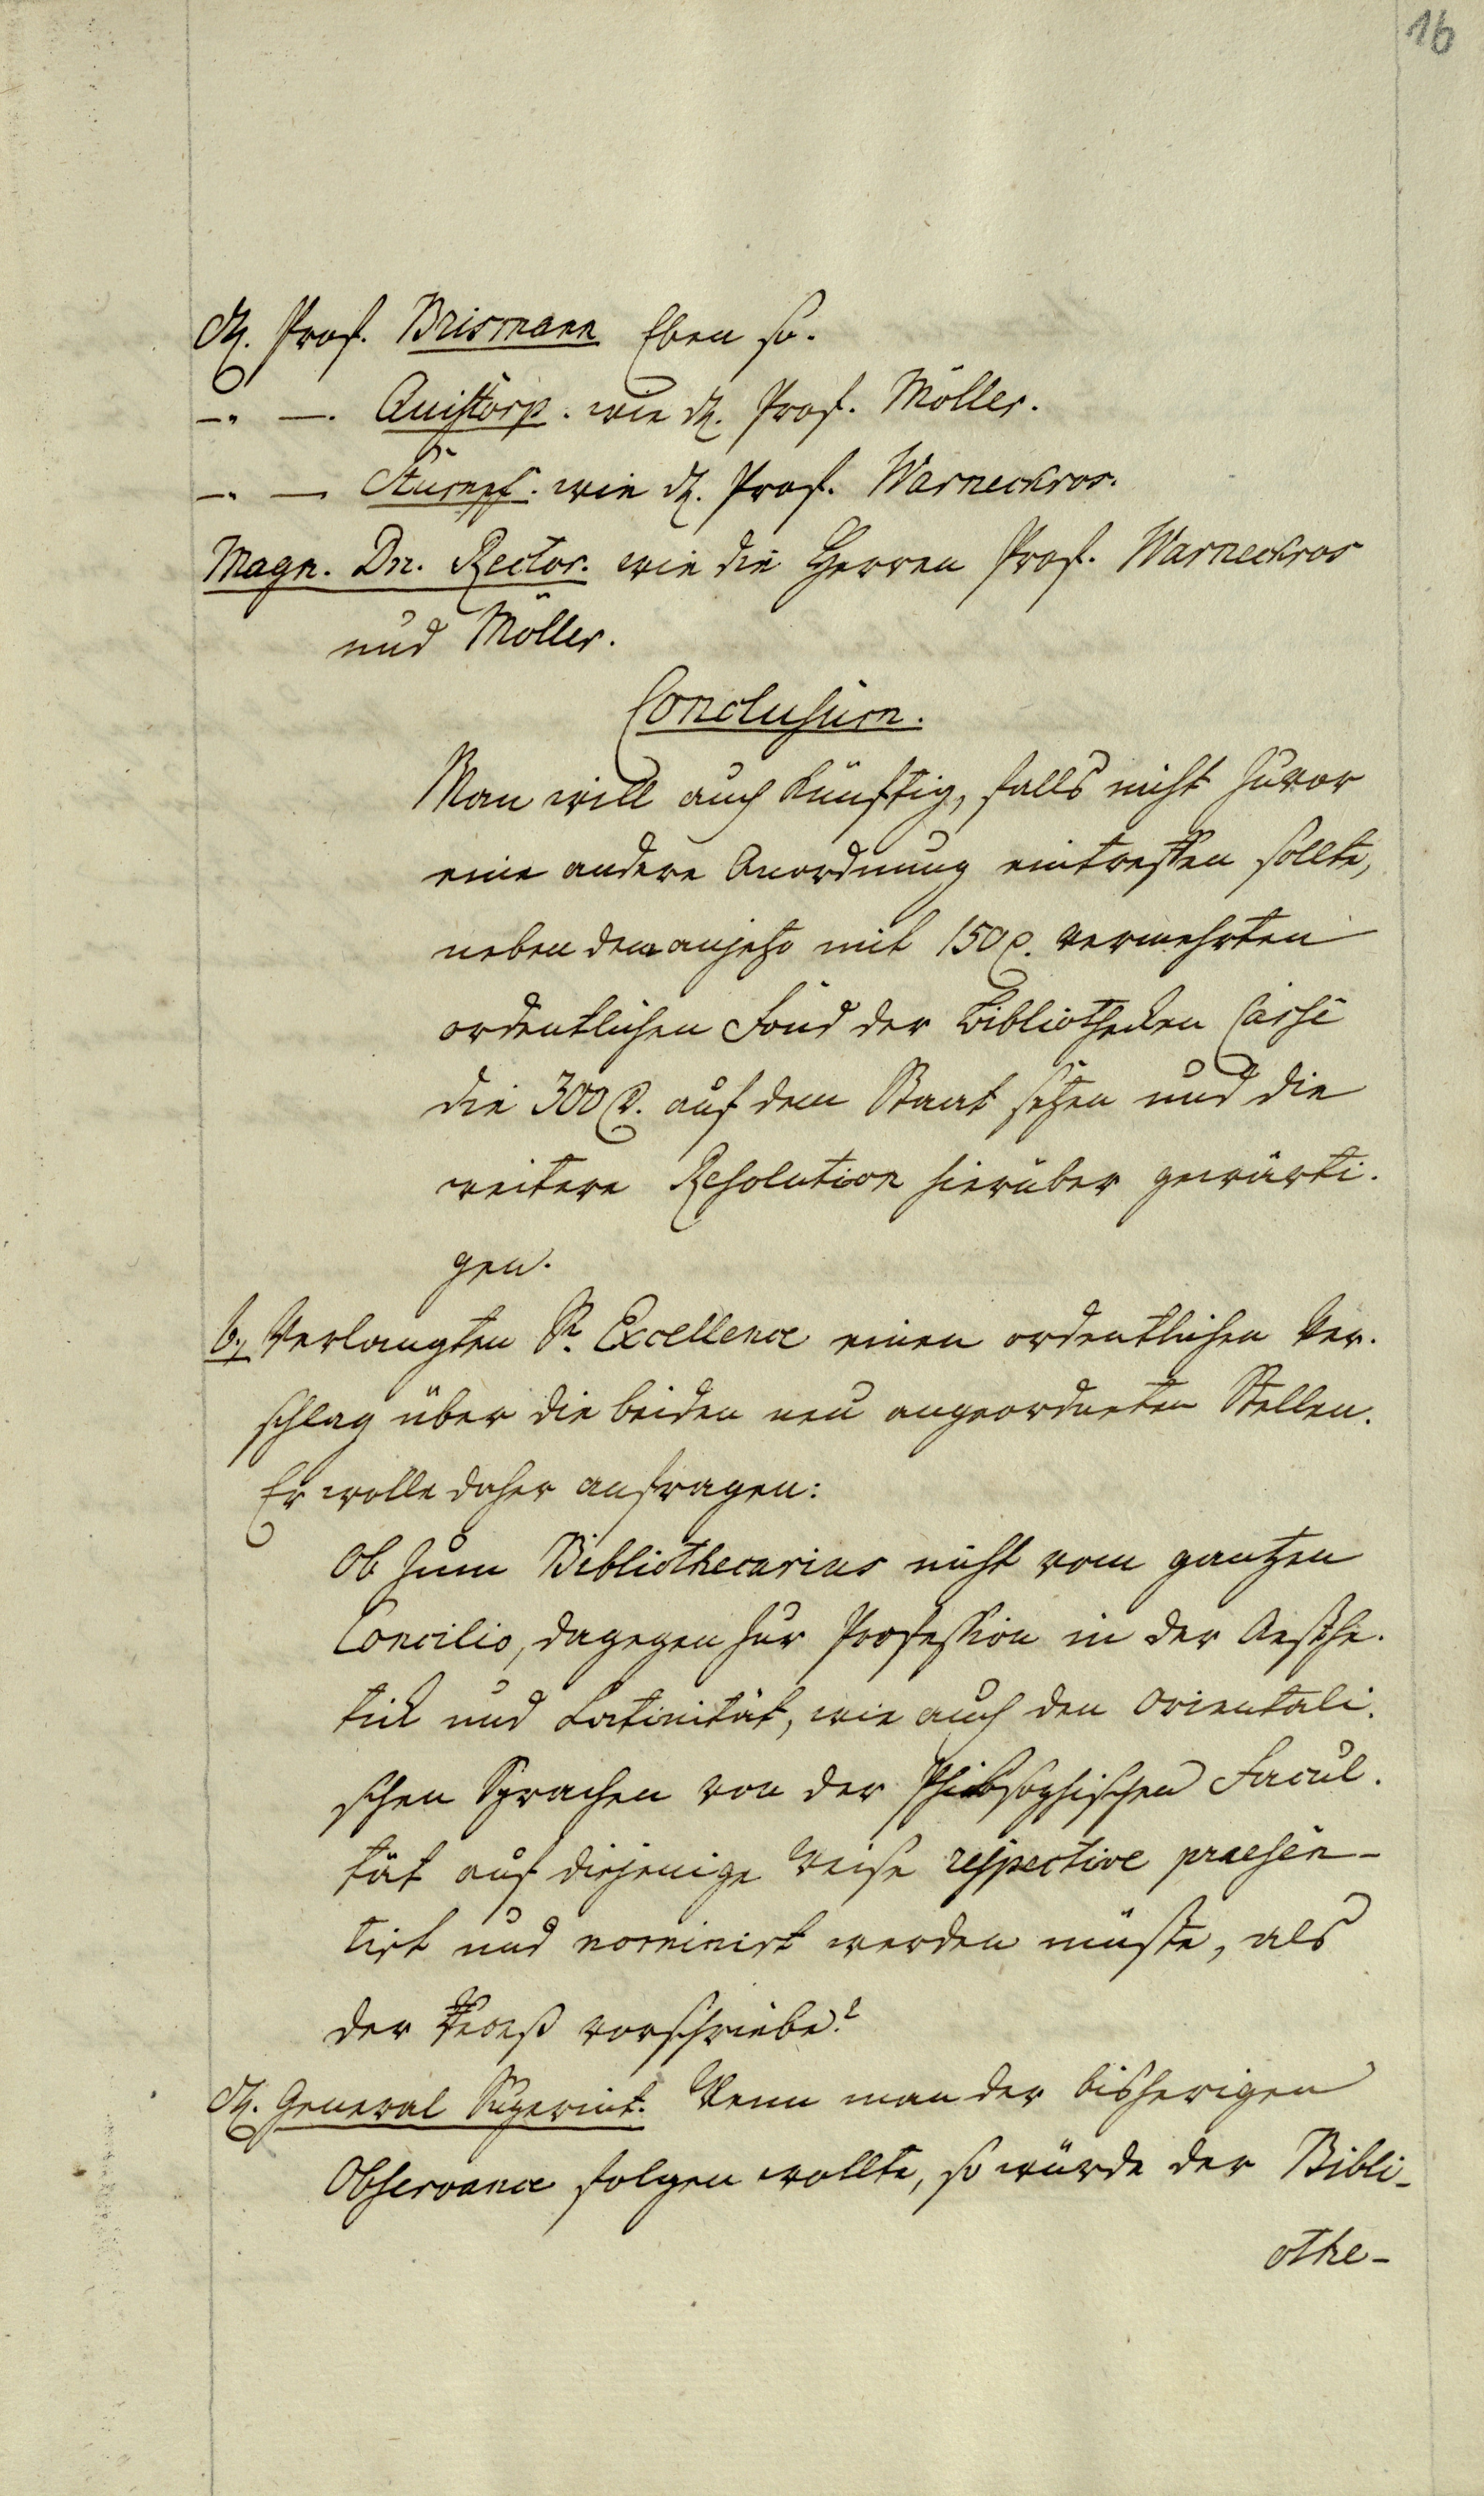dh. Prof. Brismann Eben so.
— " — . Quistorp. wie dh. Prof. Möller.
— " — . Stumpf. wie dh. Prof. Warneckros.
Magn. Dn. Rector. wie die Herren Prof. Warneckros
und Möller.
Conclusum.
Man will auch künftig, falls nicht zuvor
eine andere Anordnung eintreffen sollte,
neben dem anjetzo mit 150 rtl. vermehrten
ordentlichen Fond der Bibliotheken Casse
die 300 rtl. auf dem Staat setzen und die
weitere Resolution hierüber gewärti¬
gen.
2., Verlangten Sr. Excellence einen ordentlichen Vor¬
schlag über die beiden angeordneten Stellen.
Er wolle daher anfragen:
Ob zum Bibliothecarius nicht vom gantzen
Concilio, dagegen zur Profession in der Aethe¬
tik und Latinität, wie auch den orientali¬
schen Sprachen von der Philosophischen Facul¬
tät auf diejenige Weise respective praesen¬
tirt und niminirt werden müsste, als
der Receß vorschreibt?
dh. General Superint. Wenn man der bisherigen
Observance folgen wollte, so würde der Bibli¬
othe¬